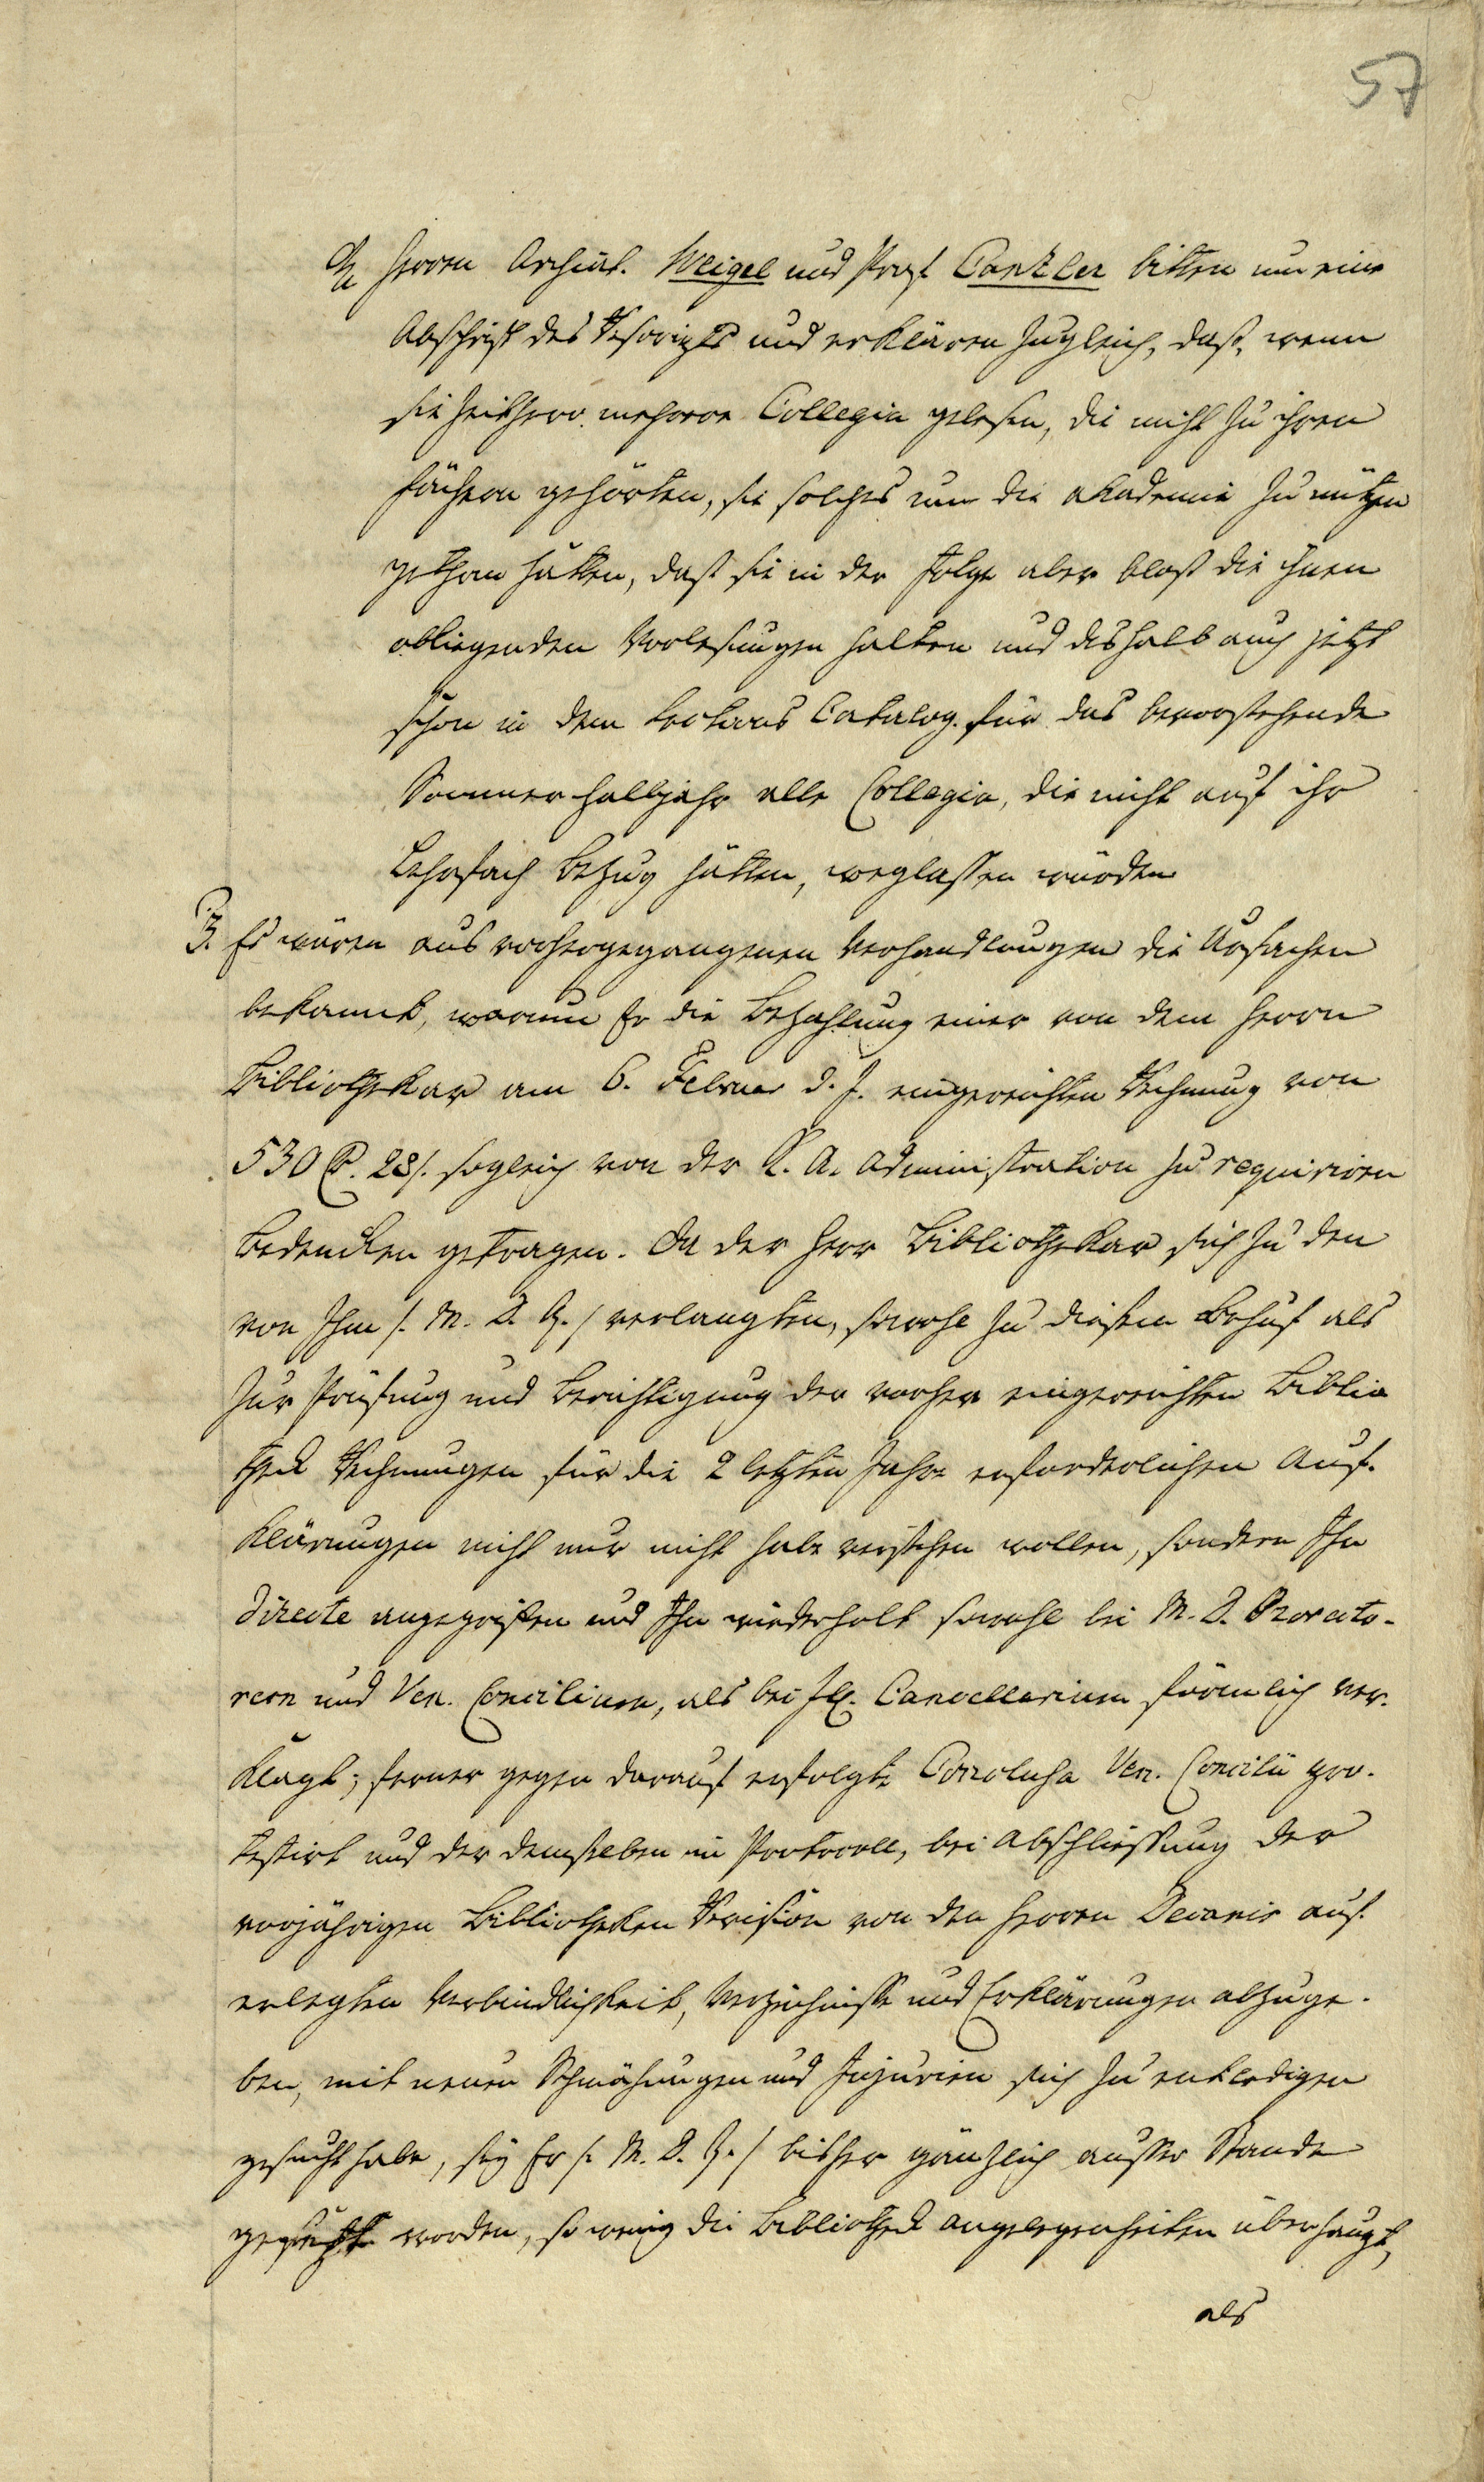dh. Herren Archiat. Weigel und Prof Canzler bitten um eine
Abschrift des Rescripts und erklären zugleich, daß, wenn
sie zeithero mehrere Collegia gelesen, die nicht zu ihren
Fächern gehörten, sie solches um der Akademie zu nützen
gethan hätten, daß sie in der Folge aber bloß die ihnen
obliegenden Vorlesungen halten und deshalb auch jetzt
schon in dem Lections Catalog für das bevorstehende
Sommerhalbjahr alle Collegia, die nicht auf ihr
Lehrfach Bezug hätten, weglassen würden.
3. Es wären aus vorhergegangenen Verhandlungen die Ursachen
bekannt, warum Er die Bezahlung einer von dem Herrn
Bibliothekar am 6. Februar d. J. eingereichten Rechnung von
530 l. 28 s. sogleich von der K. A. Administration zu requiriren
Bedencken getragen. Da der Herr Bibliothekar sich zu den
von Ihm /. M. D. R./ verlangten, sowohl zu diesem Behuf als
zur Prüfung und Berichtigung der vorher eingereichten Biblio¬
thek Rechnungen für die 2 letzten Jahre erforderlichen Auf¬
klärungen nicht nur nicht habe verstehen wollen, sondern Ihn
directe angegriffen und Ihn wiederholt sowohl bei M. D. Prorecto¬
rem und Ven. Concilium, als bei Ill. Cancellarium förmlich ver¬
klagt; ferner gegen darauf erfolgte Conclusa Ven. Concilii pro¬
testirt und der demselben im Protocoll, bei Abschliessung der
vorjährigen Bibliotheken Revision von den Herren Decanis auf¬
erlegten Verbindlichkeit, Verzeichnisse und Erklärungen abzuge¬
ben, mit neuen Schmähungen und Injurien sich zu entledigen
gesucht habe, seÿ Er /. M. D. R./ bisher gänzlich ausser Stande
gesetzt worden, so wenig die Bibliothekangelegenheiten überhaupt,
als